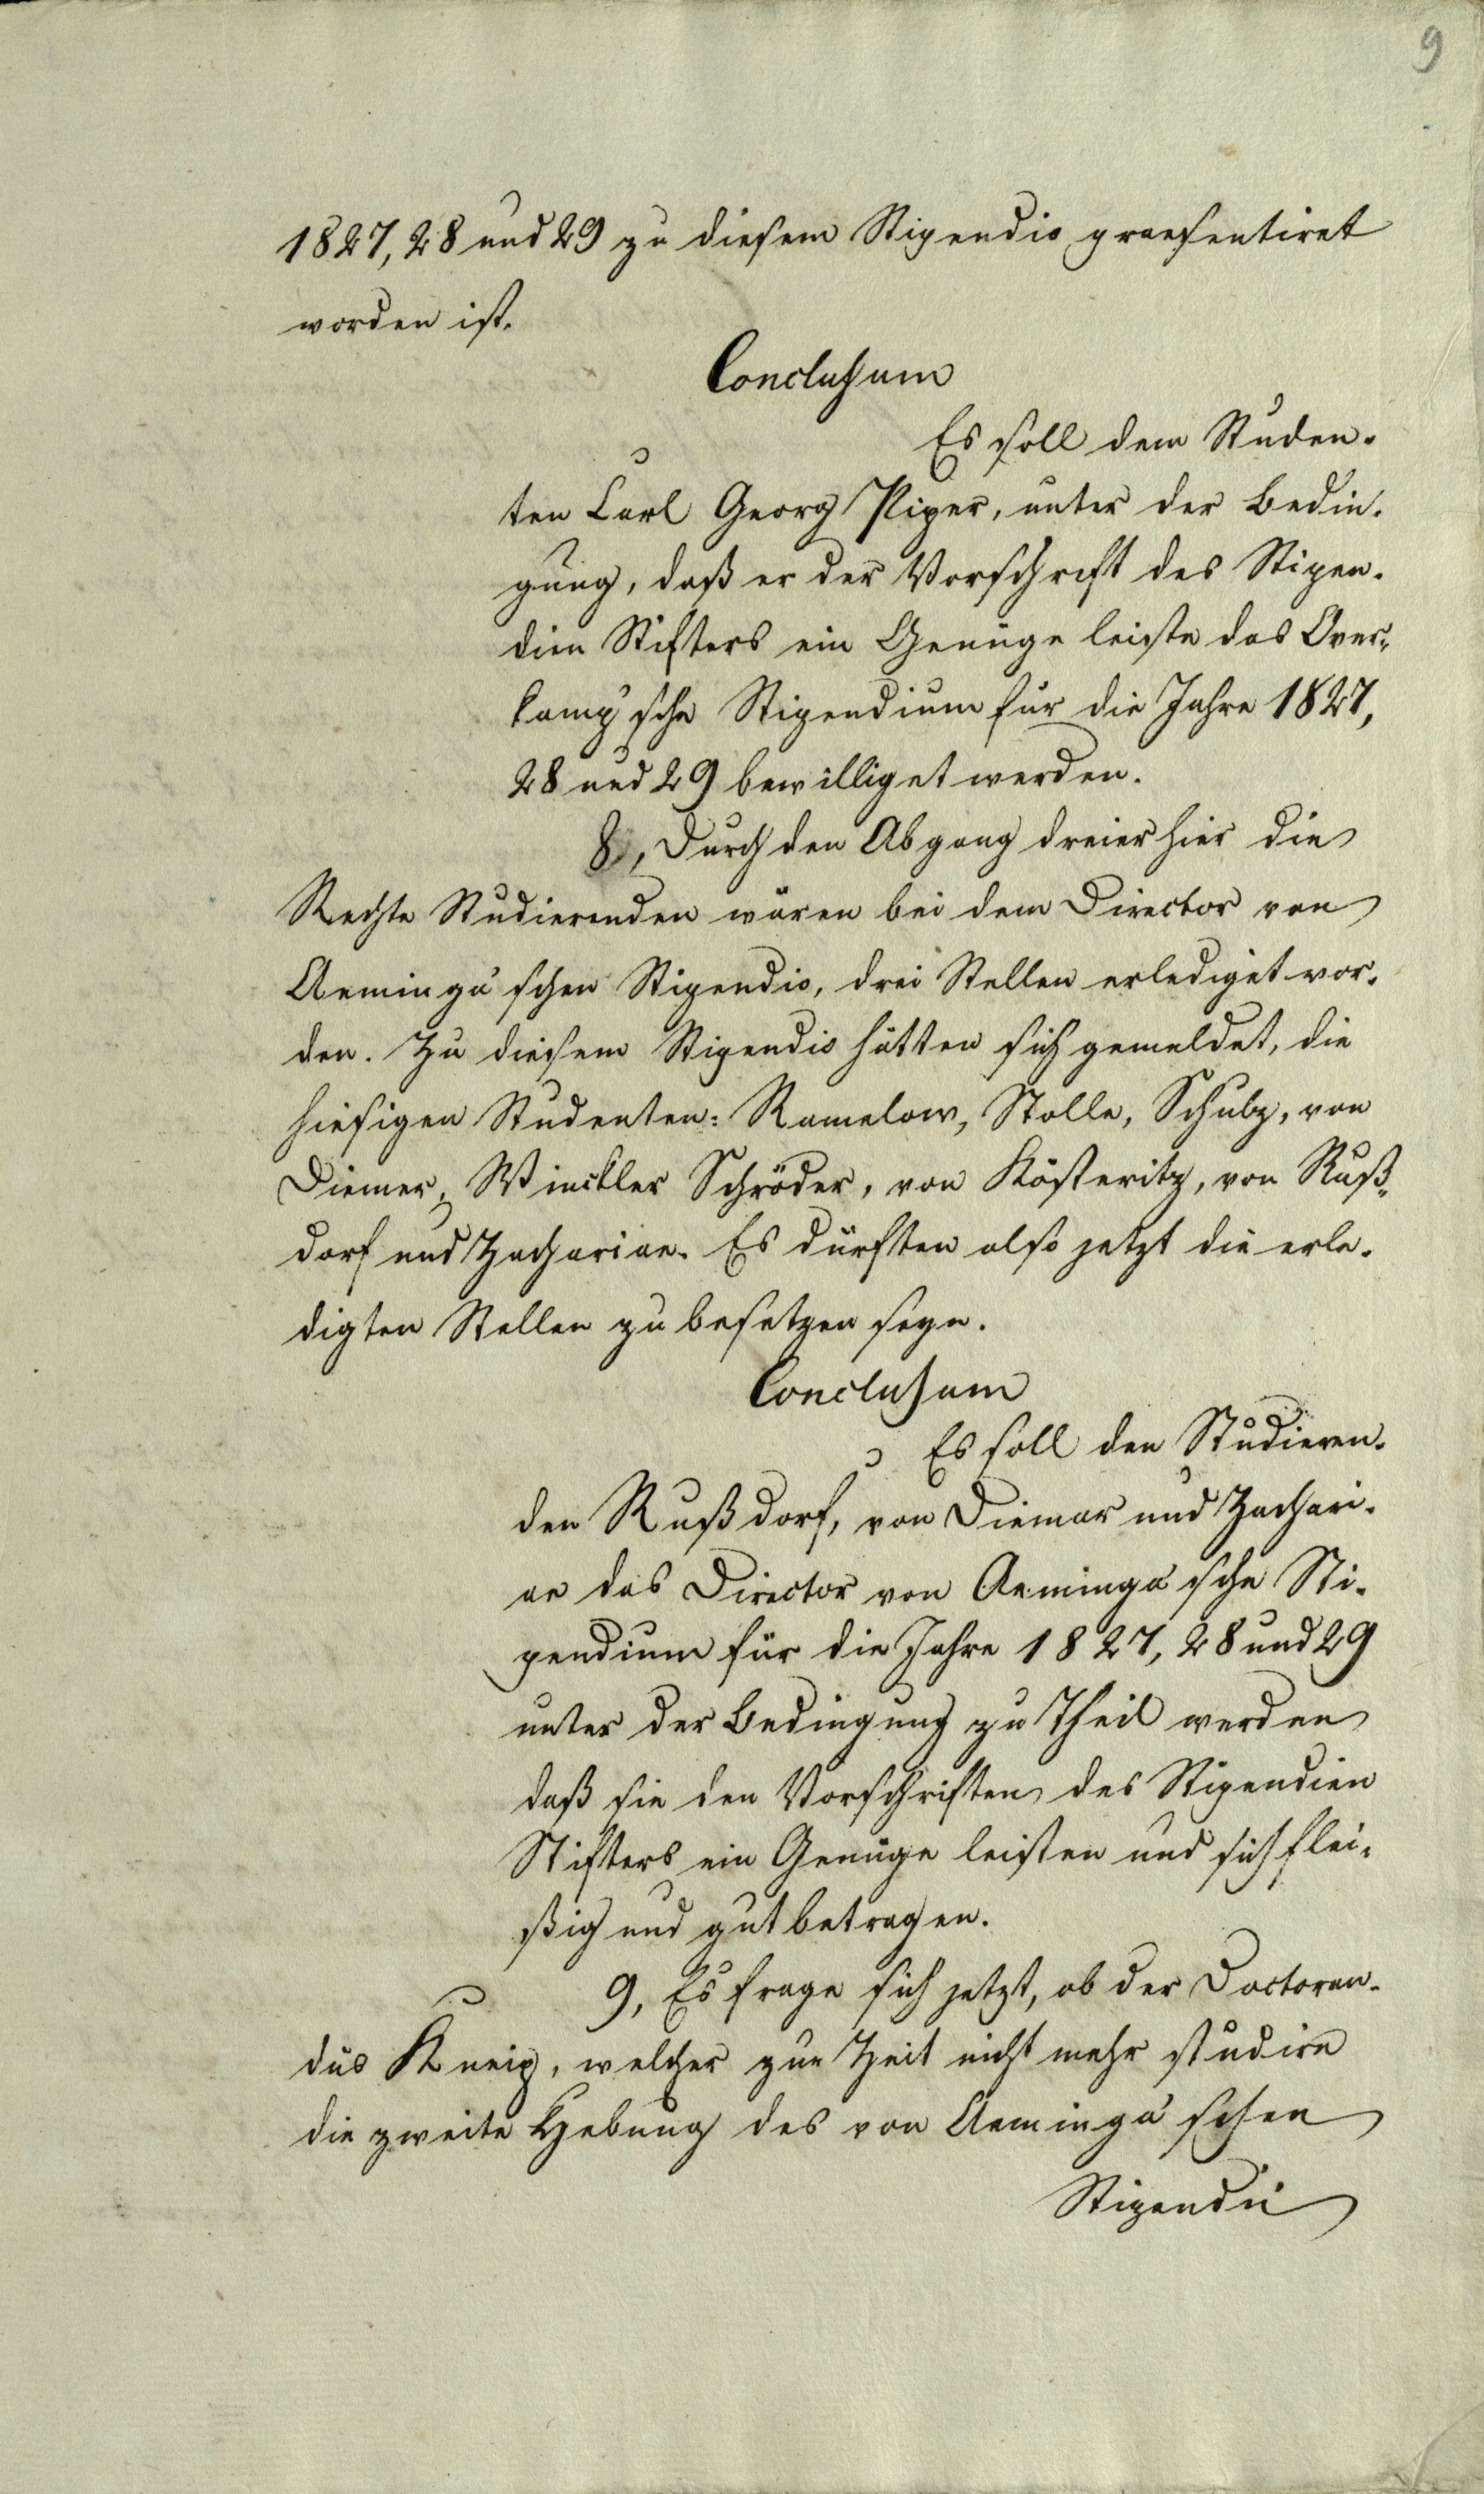1827, 28 und 29 zu diesem Stipendio praesentiret
worden ist.
Conclusum
Es soll dem Studen¬
ten Carl Georg Piper, unter der Bedin¬
gung, daß er der Vorschrift des Stipen¬
dien Stifters ein Genüge leiste das Over¬
kamp'sche Stipendium für die Jahre 1827,
28 und 29 bewilliget werden.
8, Durch den Abgang dreier hier die
Rechte Studierenden wären bei dem Director von
Aeminga'schen Stipendio, drei Stellen erlediget wor¬
den. Zu diesem Stipendio hätten sich gemeldet, die
hiesigen Studenten: Ramelow, Stolle, Schulz, von
Diemer, Winckler, Schröder, von Kösteritz, von Ruß¬
dorf und Zachariae. Es dürften also jetzt die erle¬
digten Stellen zu besetzen seyn.
Conclusum
Es soll den Studieren¬
den Rußdorf, von Diemar und Zachari¬
ae das Director von Aeminga'sche Sti¬
pendium für die Jahre 1827, 28 und 29
unter der Bedingung zu Theil werden,
daß sie den Vorschriften des Stipendien
Stifters ein Genüge leisten und isch flei¬
ßig und gut betragen.
9, es frage sich jetzt, ob der Doctoran¬
dus Kneip, welcher zur Zeit nicht mehr studire
die zweite Hebung des von Aeminga'schen
Stipendii